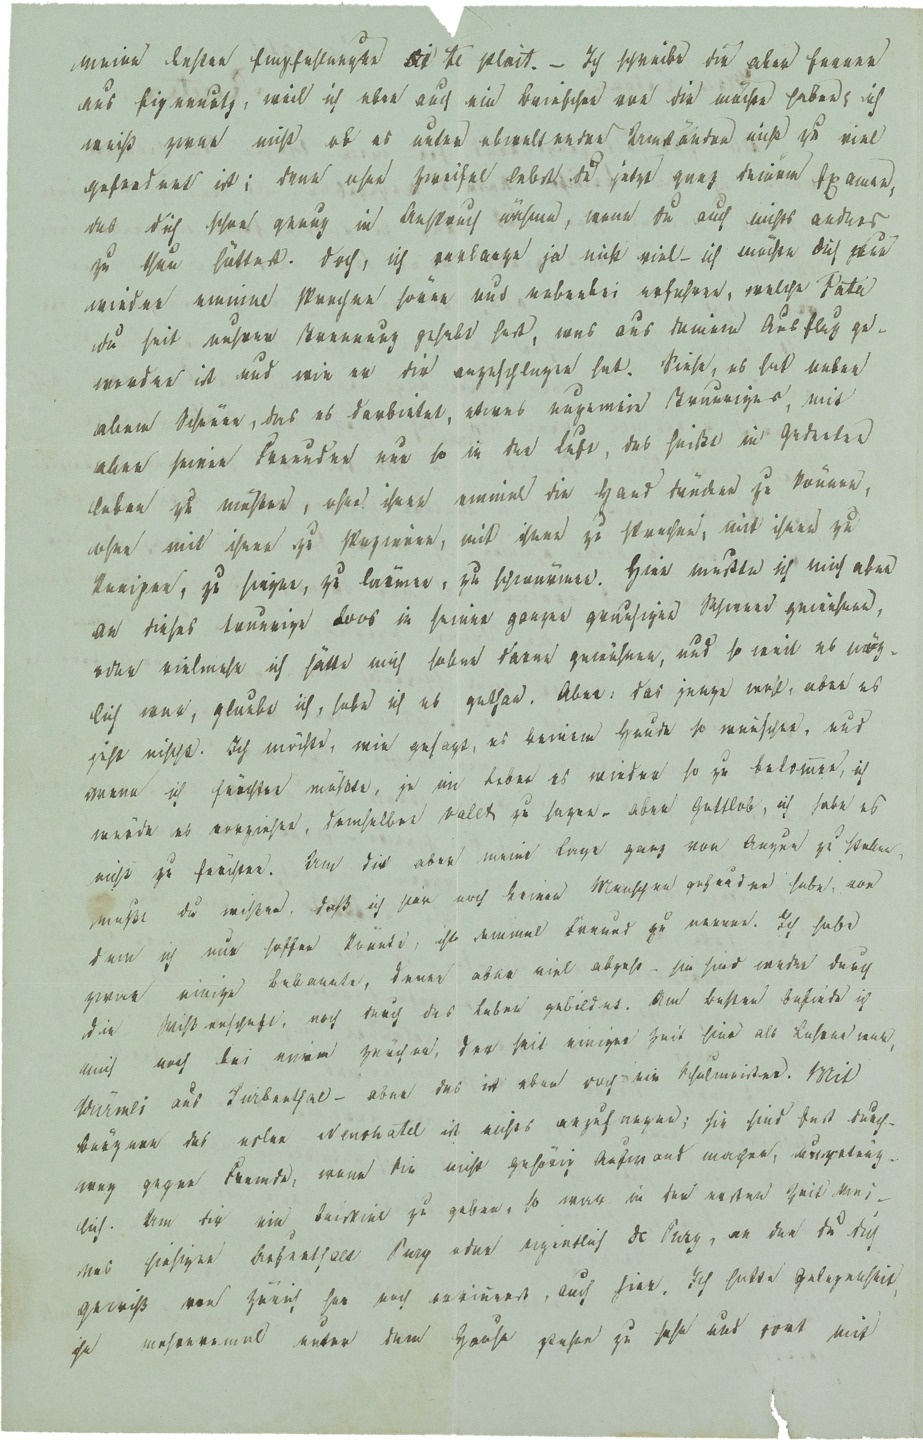meine besten Empfehlungen si te plait. – Ich schreibe dir aber ferner
aus Eigennutz, weil ich eben auch ein Briefchen von dir möchte haben; ich
weiß zwar nicht ob es unter obwaltenden Umständen nicht zu viel
gefordert ist; denn ohne Zweifel lebst du jetzt ganz deinem Examen,
das dich schon genug in Anspruch nähme, wenn du auch nichts andres
zu thun hättest. Doch, ich verlange ja nicht viel – ich möchte dich nur
wieder einmal sprechen hören und nebenbei erfahren, welche Fata
du seit unsrer Trennung gehabt hast, was aus deinem Ausflug ge-
worden ist und wie er dir angeschlagen hat. Siehe, es hat neben
allem Schönen, das es darbietet, etwas ungemein Trauriges, mit
allen seinen Freunden nur so in der Luft, daß heißt in Gedanken
leben zu müssen, ohne ihnen einmal die Hand drücken zu können,
ohne mit ihnen zu spazieren, mit ihnen zu sprechen, mit ihnen zu
kneipen, zu singen, zu lärmen, zu schwärmen. Hier mußte ich mich aber
an dieses traurige Loos in seiner ganzen grausigen Schwere gewöhnen,
oder vielmehr ich hätte mich sollen daran gewöhnen, und so viel es mög-
lich war, glaube ich, habe ich es gethan. Aber: das jenge wohl, aber es
jeht nischt. Ich möchte, wie gesagt, es keinem Hunde so wünschen, und
wenn ich fürchten müßte, je im Leben es wieder so zu bekommen, ich
würde es vorziehen, demselben valet zu sagen – aber Gottlob, ich habe es
nicht zu fürchten. Um dir aber meine Lage ganz vor Augen zu stellen,
mußt du wißen, daß ich hier noch keinen Menschen gefunden habe, von
dem ich nur hoffen könnte, ihn einmal Freund zu nennen. Ich habe
zwar einige Bekannte, denen aber viel abgeht – sie sind weder durch
die Wißenschaft, noch durch das Leben gebildet. Am besten befinde ich
mich noch bei einem Zürcher, der seit einiger Zeit hier als Lehrer war,
Würmli aus Turbenthal – aber das ist eben doch ein Schulmeister. Mit
Bürgern des edlen Neuchâtel ist nichts anzufangen; sie sind fast durch-
weg gegen Fremde, wenn sie nicht gehörig Aufwand machen, unverträg-
lich. Um dir ein Beispiel zu geben, so war in der ersten Zeit mei-
nes hiesigen Aufenthalt Pury oder eigentlich de Pury, an den du dich
gewiß von Zürich her noch erinnerst, auch hier. Ich hatte Gelegenheit,
ihn mehreremal unter dem Hause stehen zu sehn und dort mit